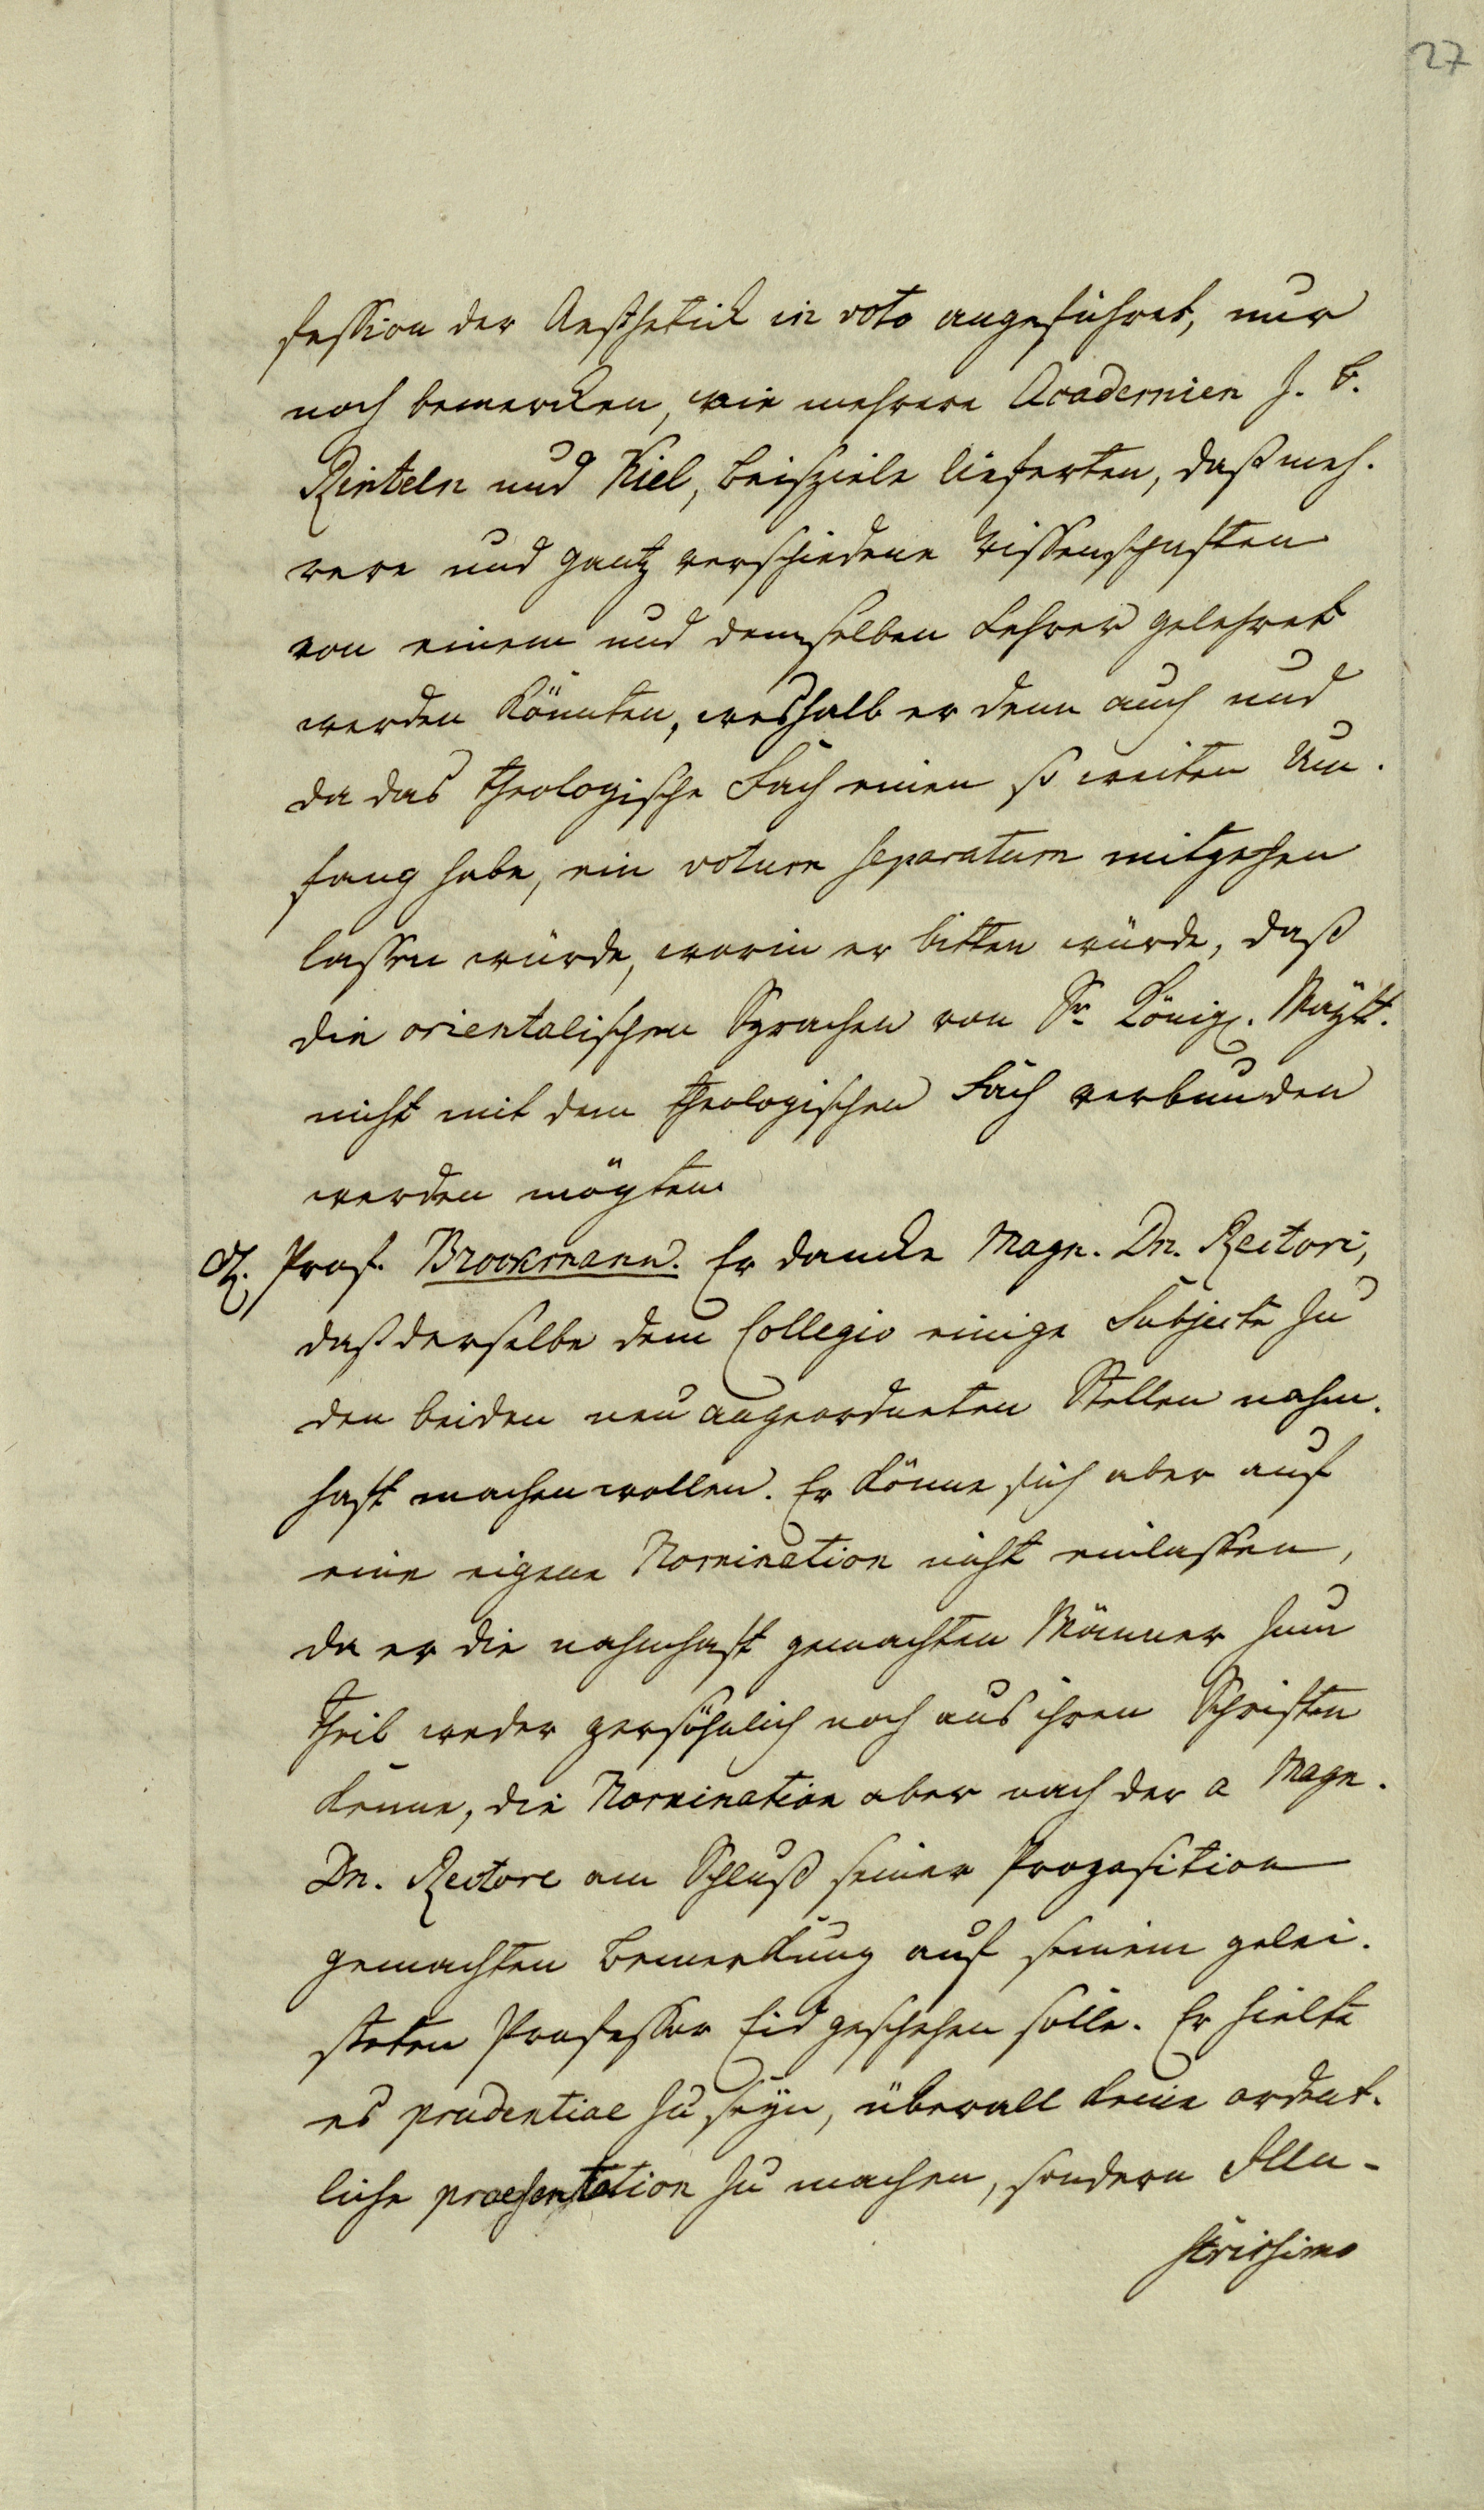fession der Aesthetick in voto angeführet, nur
noch bemerken, wie mehrere Academien z.B.
Rinteln und Kiel, Beispiele lieferten, daß meh¬
rere und gantz verschiedene Wissenschaften
von einem und demselben Lehrer gelehret
werden könnten, weshalb er denn auch und
da das theologische Fach einen so weiten Um¬
fang habe, ein votum separatum mitgehen
lassen würde, worin er bitten würde, daß
die orientalischen Sprachen von Sr. Königl. Maÿst.
nicht mit dem theologischen Fach verbunden
werden mögten.
dh. Prof. Brockmann. Er danke Magn. Dn. Rectori,
daß derselbe dem Collegio einige Subjecte zu
den beiden neu angeordneten Stellen nahm¬
haft machen wollen. Er könne sich aber auf
eine eigene Nomination nicht einlassen,
da er die nahmhaft gemachten Männer zum
Theil weder persöhnlich noch aus ihren Schriften
kenne, die Nomination aber nach der a Magn.
Dn. Rectore am Schluß seiner Proposition
gemachten Bemerkung auf seinem gelei¬
steten Professor Eid geschehen solle. Er hielte
es prudentiae zu seÿn, überall keine ordent¬
liche praesentation zu machen, sondern Illu¬
strissimo